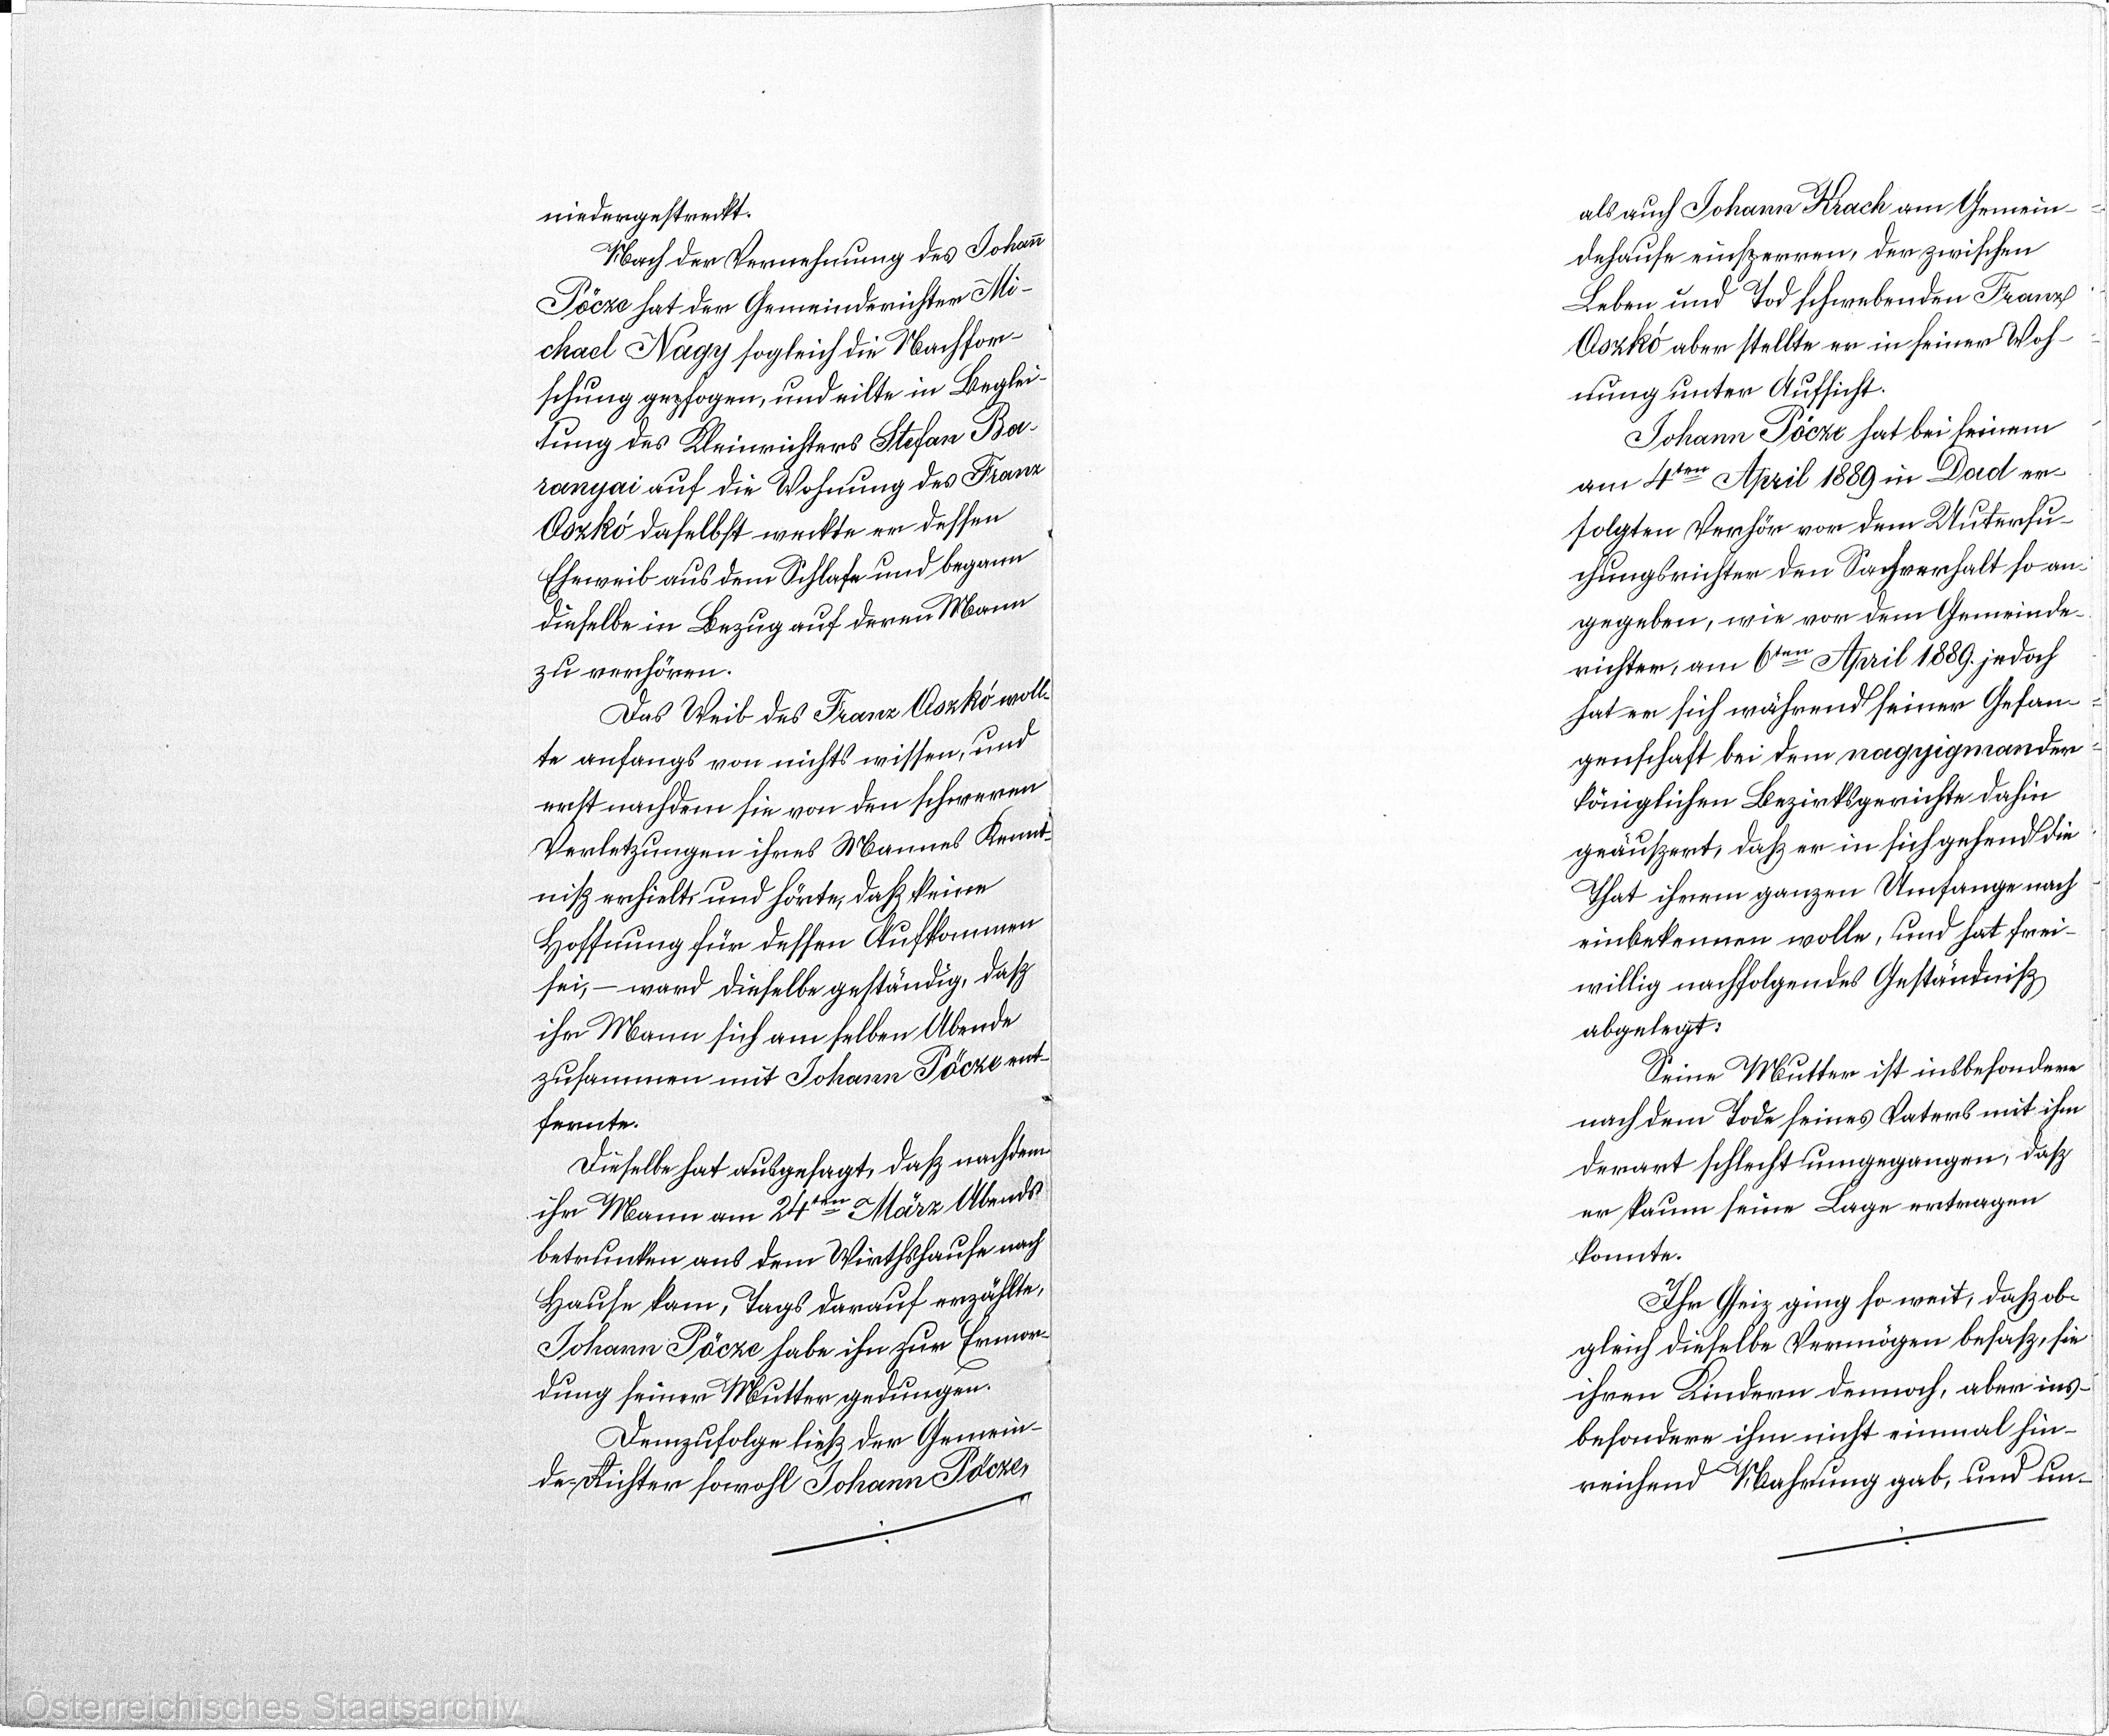niedergestreckt.
Nach der Vernehmung des Johann
Pöcze hat der Gemeinderichter Mi¬
chael Nagy sogleich die Nachfor¬
schung gepfogen, und eilte in Beglei¬
tung des Kleinrichters Stefan Ba¬
ranyai auf die Wohnung des Franz
Oszkó daselbst weckte er dessen
Eheweib aus dem Schlafe und began
dieselbe in Bezug auf deren Mann
zu verhören.
Das Weib des Franz Oszkó woll¬
te anfangs von nichts wissen, und
erst nachdem sie von den schweren
Verletzungen ihres Mannes Kennt¬
niß erhielt, und hörte, daß keine
Hoffnung für dessen Aufkommen
sei, -- ward dieselbe geständig, daß
ihr Mann sich am selben Abende
zusammen mit Johann Pöcze ent¬
fernte.
Dieselbe hat ausgesagt, daß nachdem
ihr Mann am 24ten März Abends
betrunken aus dem Wirthshause nach
Hause kam, tags darauf erzählte,
Johann Pöcze habe ihn zur Ermor¬
dung seiner Mutter gedungen.
Demzufolge ließ der Gemein¬
de Richter sowohl Johann Pöcze
als auch Johann Krach am Gemein¬
dehause einsperren, der zwischen
Leben und Tod schwebenden Franz
Oszkó aber stellte er in seiner Woh¬
nung unter Aufsicht.
Johann Pöcze hat bei seinem
am 4ten April 1889 in Dad er¬
folgten Verhör vor dem Untersu¬
chungsrichter den Sachverhalt so an¬
gegeben, wie vor dem Gemeinde¬
richter, am 6ten April 1889 jedoch
hat er sich während seiner Gefan¬
genschaft bei dem nagyigmander
königlichen Bezirksgerichte dahin
geäußert, daß er in sich gehend die
That ihrem ganzen Umfange nach
einbekennen wolle, und hat frei¬
willig nachfolgendes Geständniß
abgelegt:
Seine Mutter ist insbesondere
nach dem Tode seines Vaters mit ihm
derart schlecht umgegangen, daß
er kaum seine Lage ertragen
konnte.
Ihr Geiz ging so weit, daß ob¬
gleich dieselbe Vermögen besaß, sie
ihren Kindern dennoch, aber ins¬
besondere ihn nicht einmal hin¬
reichend Nahrung gab, und un¬